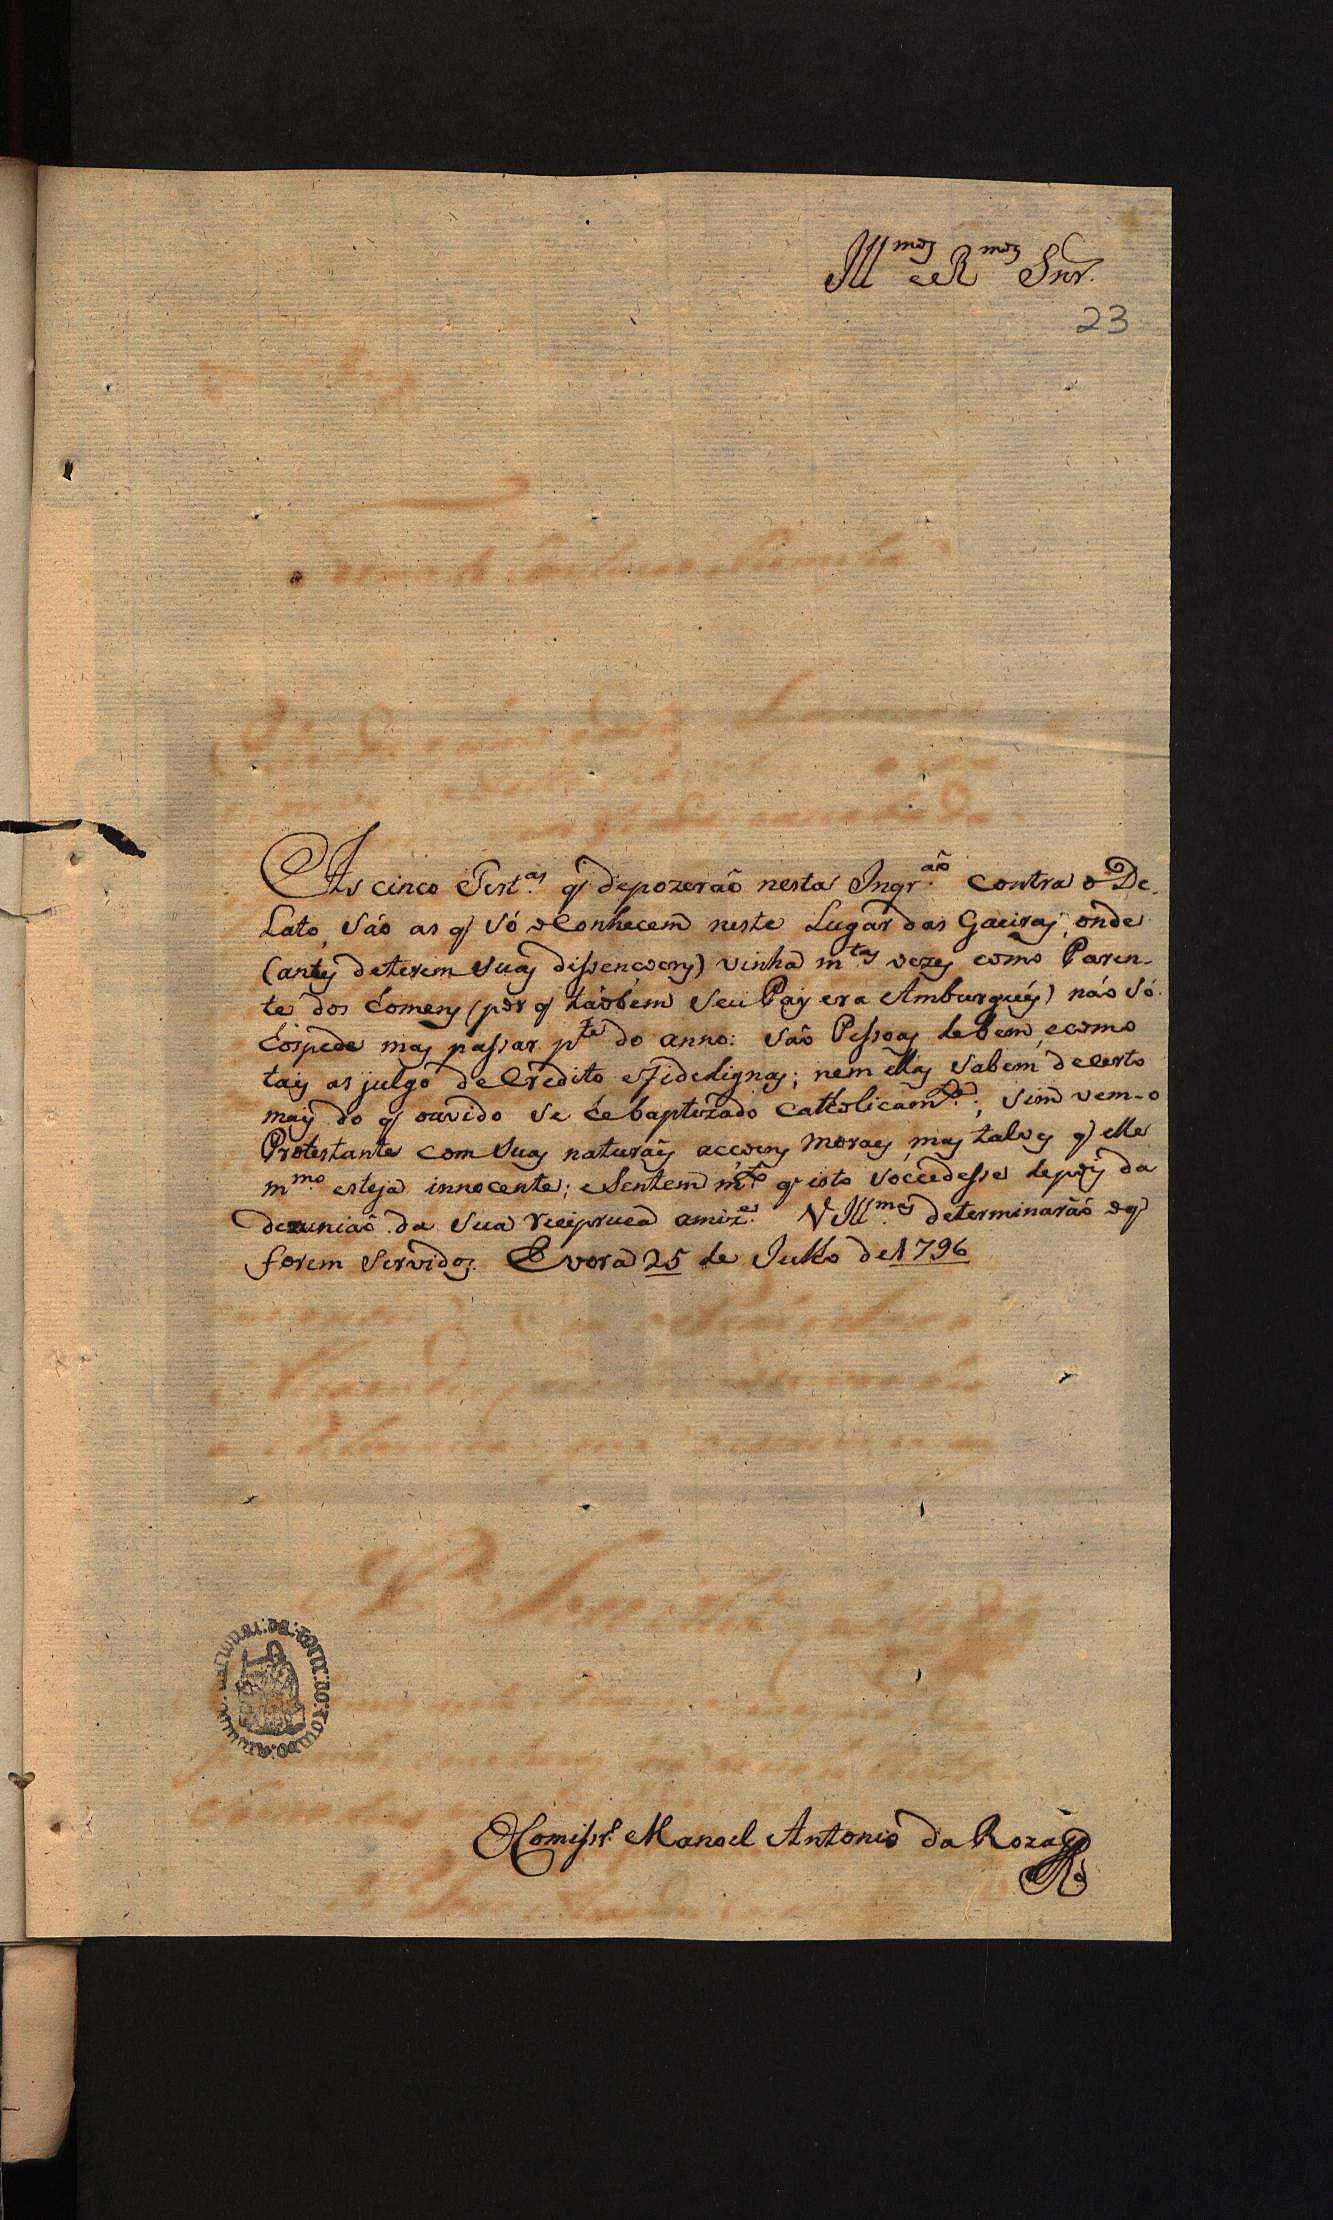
Ill.mos e R.mos Snr.s
As cinco Test.as q̄ depozeraõ nesta Inqr.aõ contra o De
Lato, são as q̄ só o conhecem neste Lugar das Gaeiras, onde
(antes de terem suas dissençoens) vinha m.tas vezes como Paren
te dos homens (porq̄ taõbem seu Pay era Amburgués) naõ só
hospede mas passar p.te do anno: saõ Pessoas de bem e como
tais as julgo de Credito e fidedignas; nem ellas sabem de certo
mais do q̄ ouvido se he baptizado catholicam.te; sim vem-o
Protestante com suas naturais acçoens moraes, mas talves q̄ elle
m.mo esteja innocente; e Sentem m.to q̄ isto soccedesse depois da
dezuniaõ da sua recipruca amiz.e V Ill.mas determinaraõ o q̄
forem servidos Evora 20 de Iulho de 1796
Comissr.o Manoel Antonio da Roza
